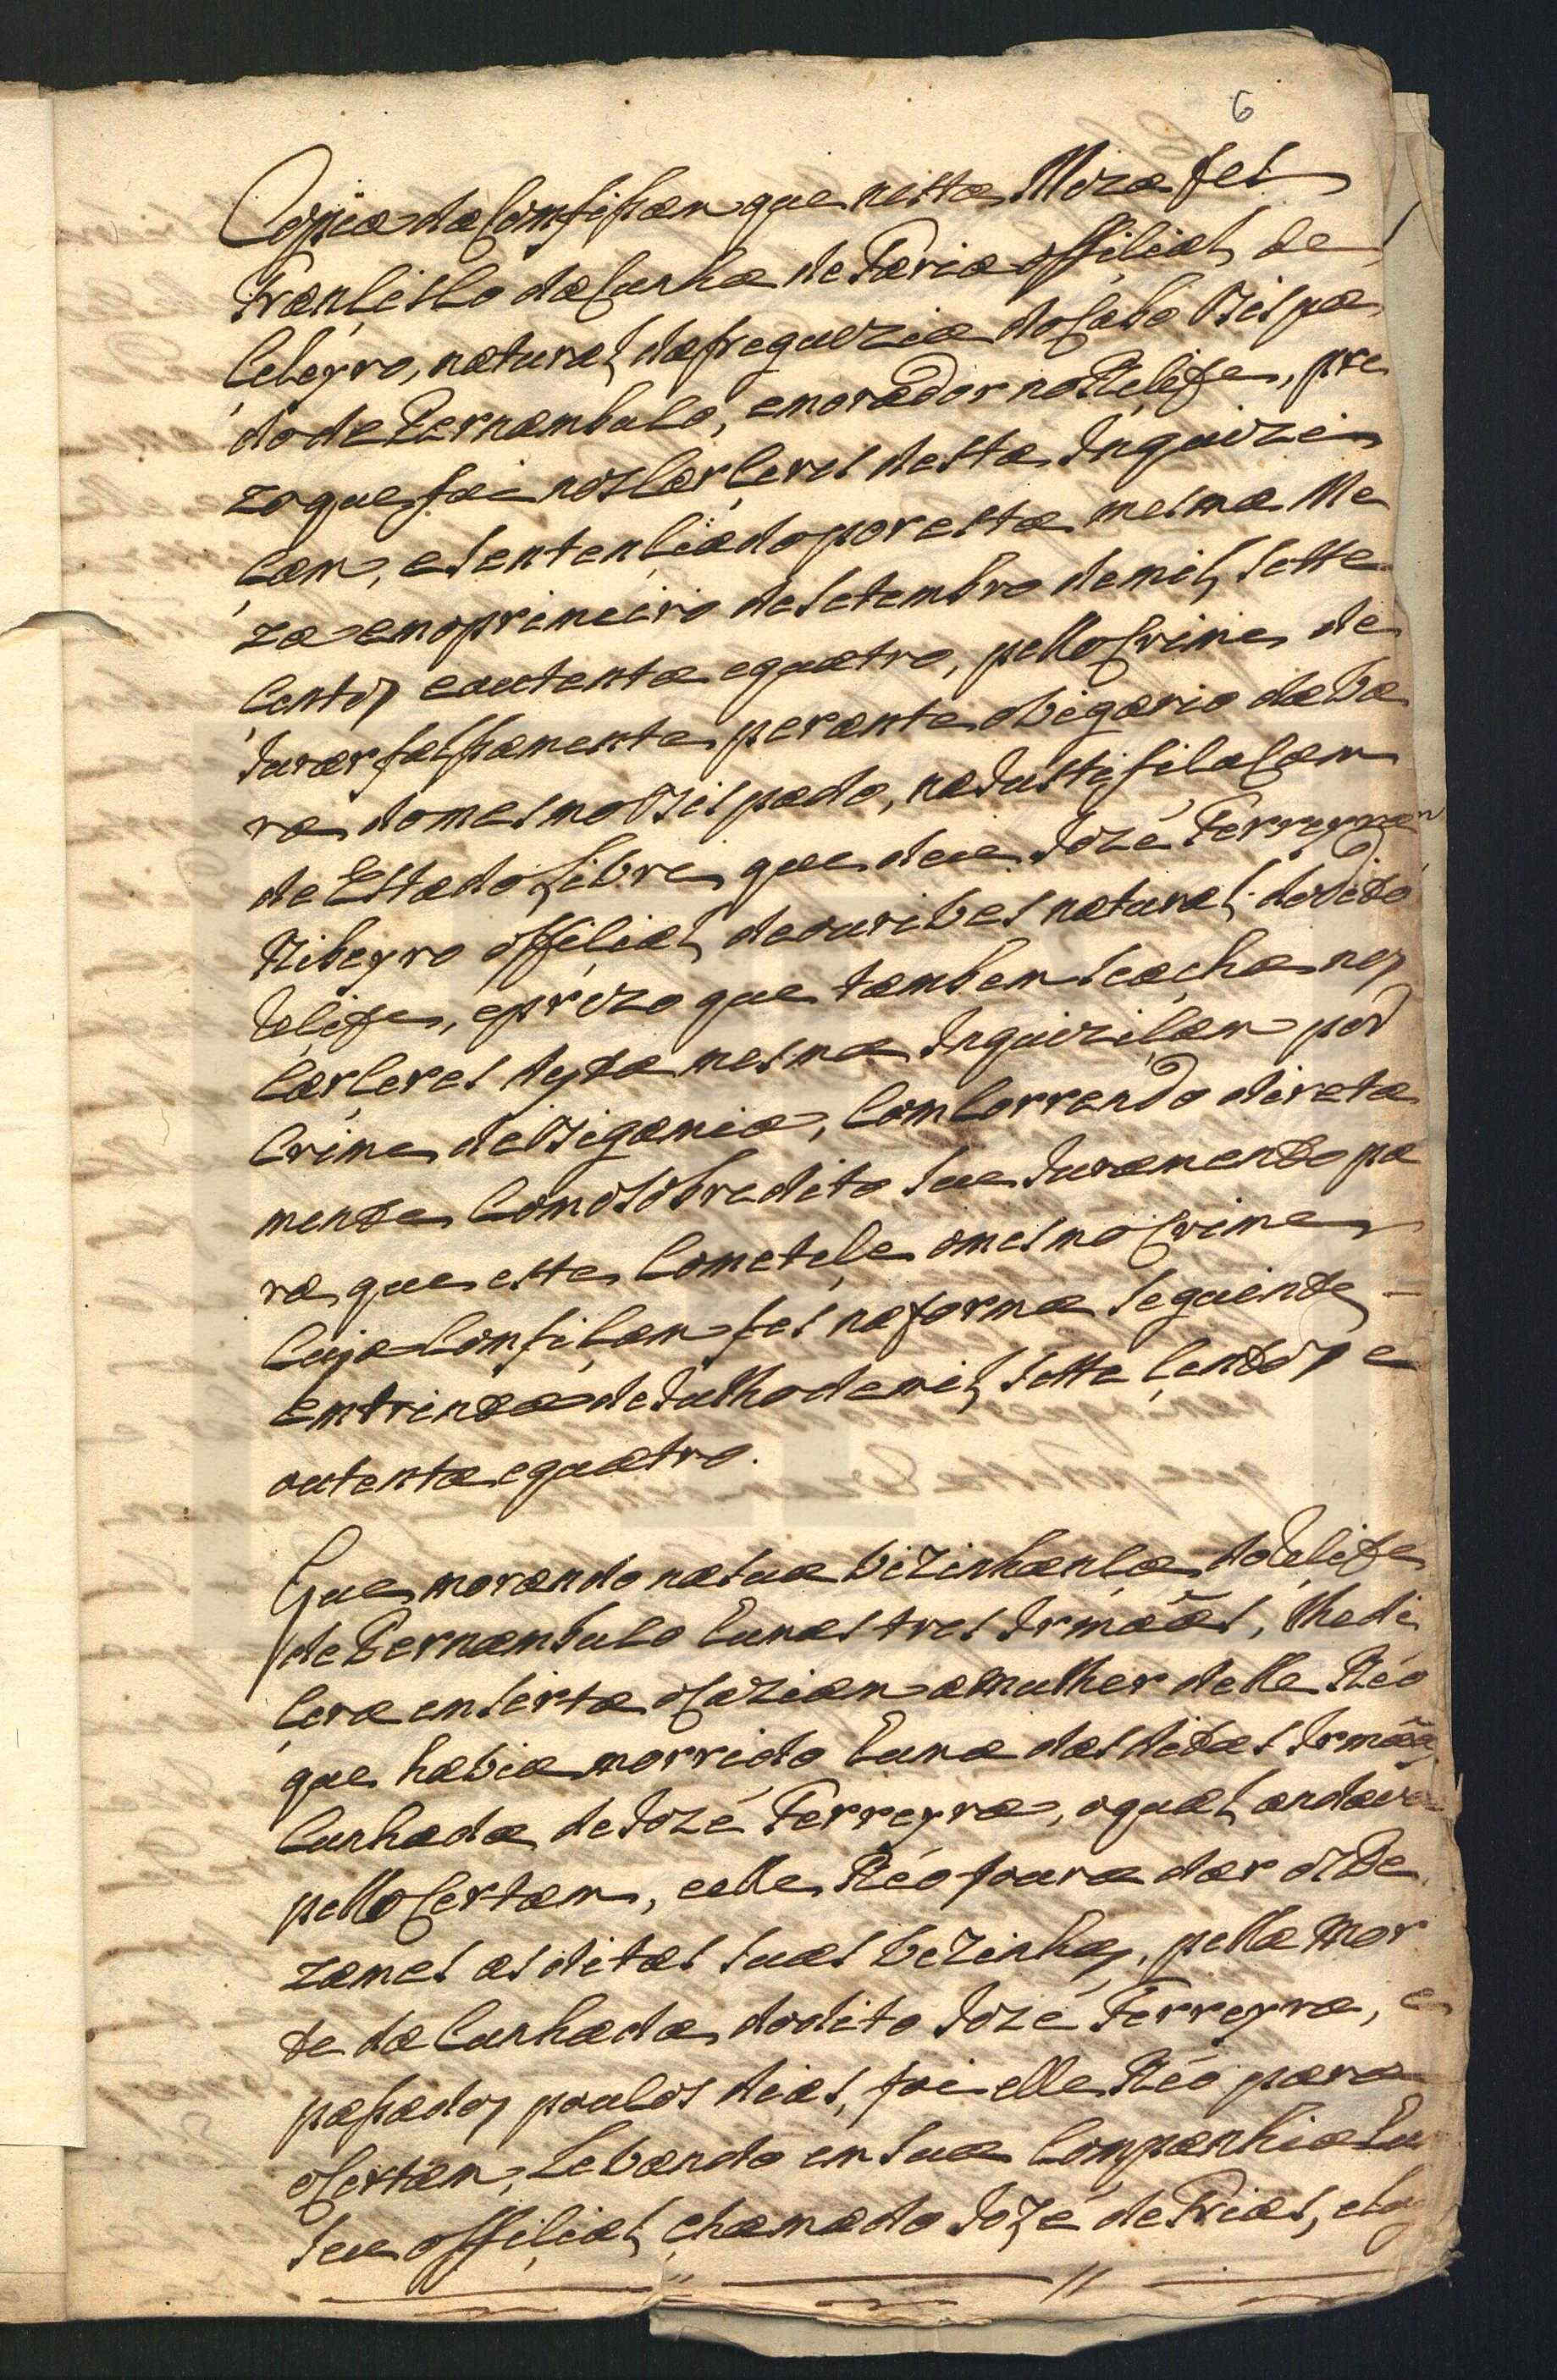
Copia da Comfissam que nesta Meza fes
FranÇisCo da Cunha de Faria offiÇial de
Çeleyro, natural da freguezia do Cabo Bispa
do de PernambuCo, e morador no ReÇife, pre
zo que foi nos CarÇeres desta Inquizi
Çam, e sentenÇiado por esta mesma Me
za em o primeiro de setembro de mil sette
Çentos e outenta e quatro, pello Crime de
Iurar falssamente perante o vigario da va
ra do mesmo Bispado, e na IustifiCaCam
de Estado Livre que deu Iozé Ferreyra
Ribeyro offiÇial de ourives natural do dito
ReÇife, e prezo que tambem se açha nos
CarÇeres desta mesma InquiziÇam por
Crime de Bigamia, ComCorrendo direta
mente Com o sobredito seu Iuramento pa
ra que este CometeÇe o mesmo Crime
Cuja ComfiÇam fes na forma seguinte
em trinta de Iulho de mil setteCentos e
outenta e quatro.
Que morando na sua vizinhanÇa do ReÇife
de Pernambuco humas tres Irmaās, lhe di
Çera em serta oCaziam a mulher delle Réo
que havia morrido huma das ditas Irmaās
Cunhada de Iozé Ferreyra, o qual andava
pello Certam, e elle Réo foura dar os Pe
zames as ditas suas vezinhas, pella mor
te da Cunhada do dito Iozé Ferreyra, e
passados pouCos dias, foi elle Réo para
o Certam, Levando em sua Companhia hu
seu offiÇial çhamado Iozé de Frias, e log
